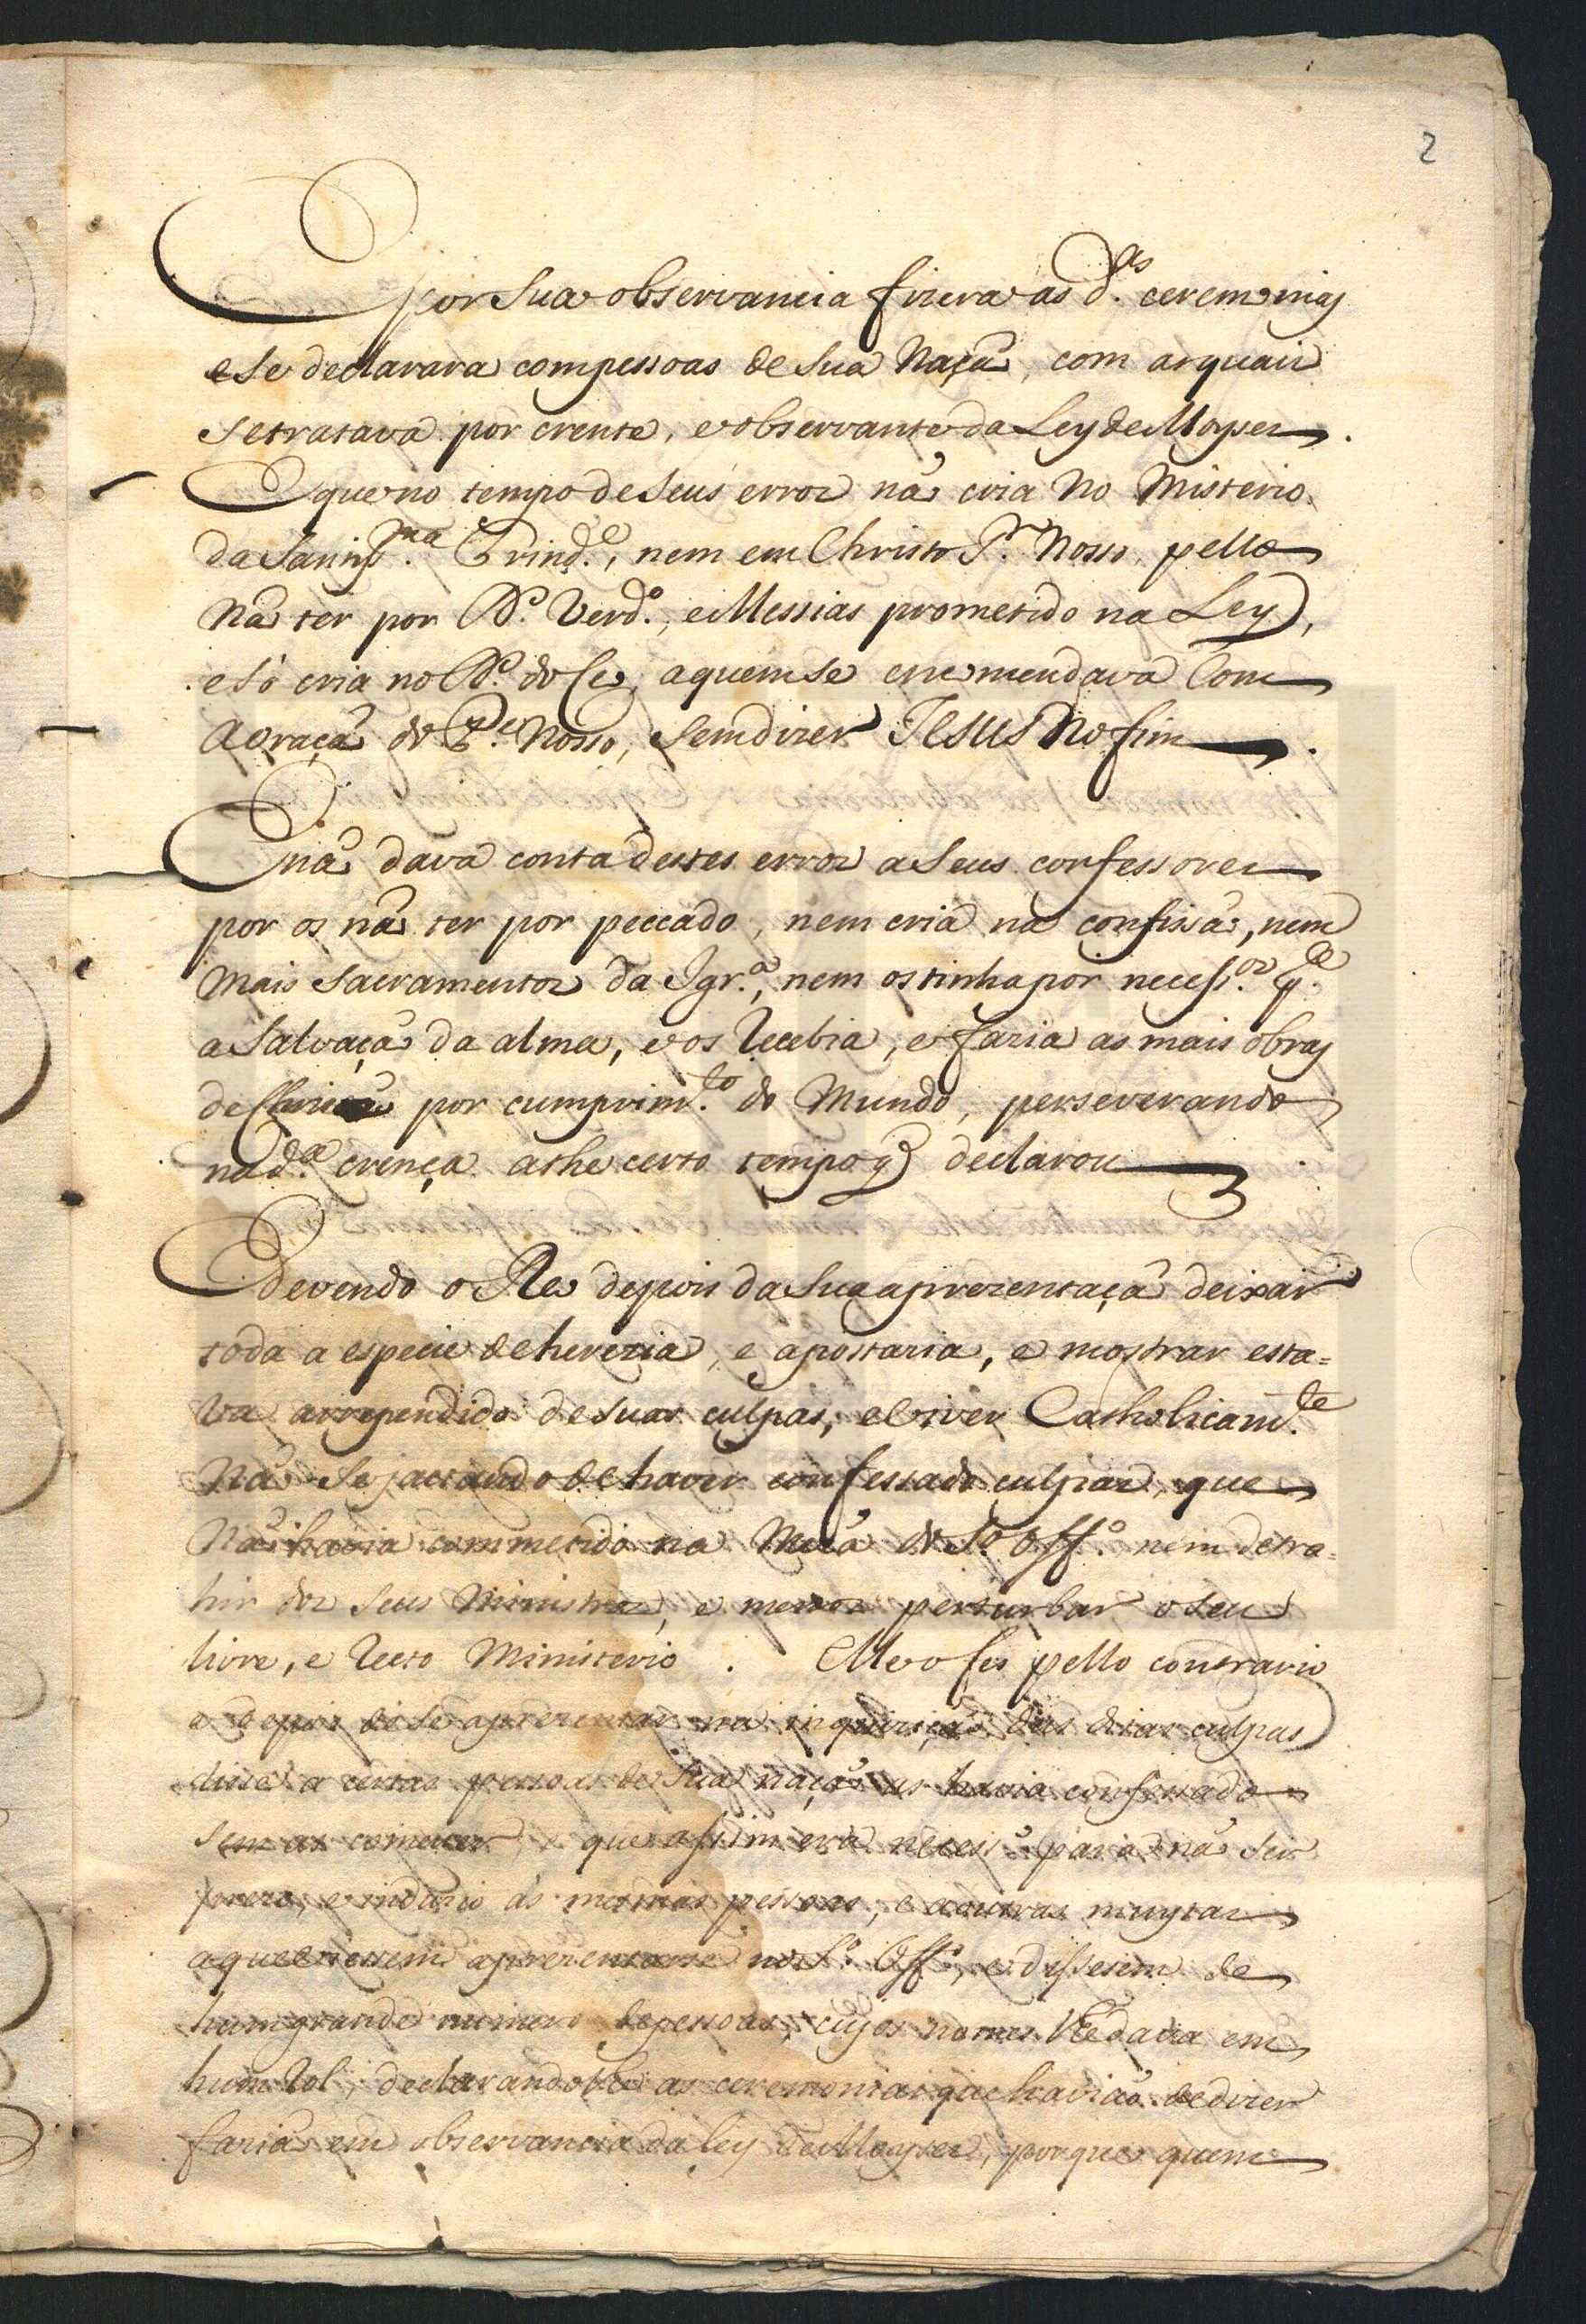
E por sua observancia fizera as d.as ceremonias
e se declarara com pessoas de sua nação, com as quais
se tratava por crente, e observante da Ley de Moyses.
E que no tempo de seus erros não cria no misterio,
da santiss.ma Trind.e, nem em Christo s.r nosso pello
não ter por D.s Verd.o, e Messias, prometido na Ley,
e só cria no D.s do Ceo, a quem se emcomendava com
a oração do P.e nosso, sem dizer Iesus no fim.
E naõ dava conta destes erros a seus confessores
por os não ter por peccado, nem cria na confissão, nem
mais sacramentos da Igr.a, nem os tinha por necess.os p.a
a salvaçaõ da alma, e os Recebia, e fazia as mais obras
de Chris_õ por cumprim.to do mundo, perseverando
na d.a crença athe certo tempo q̄ declarou
E devendo o Reo depois da sua aprezentaçaõ deixar
toda a especie de herezia, e apostazia, e mostrar esta
va arrependido de suas culpas, e viver Catholicam.te
naõ se jactando de haver confessado culpas, que
naõ havia commetido na mesa do s.o off.o nem de tra
hir dos seus ministros, e menos perturbar o seu
livre, e Recto ministerio. Elle o fes pelo contrario
e depois de se aprezentar na inquiziçaõ das ditas culpas
disse a certas pessoas de sua naçaõ as havia confessado
sem as cometer, e que assim era necess.o para não ser
prezo, e induzio as mesmas pessoas, e a outras muytas
a que viessem aprezentarse no S.o Off.o, e dissesem de
hum grande numero de pessoas, cujos nomes lhe daria em
hum Rol, declarandolhe as ceremonias que haviaõ de dizer
fariaõ em observancia da ley de Moysez, porque quem
